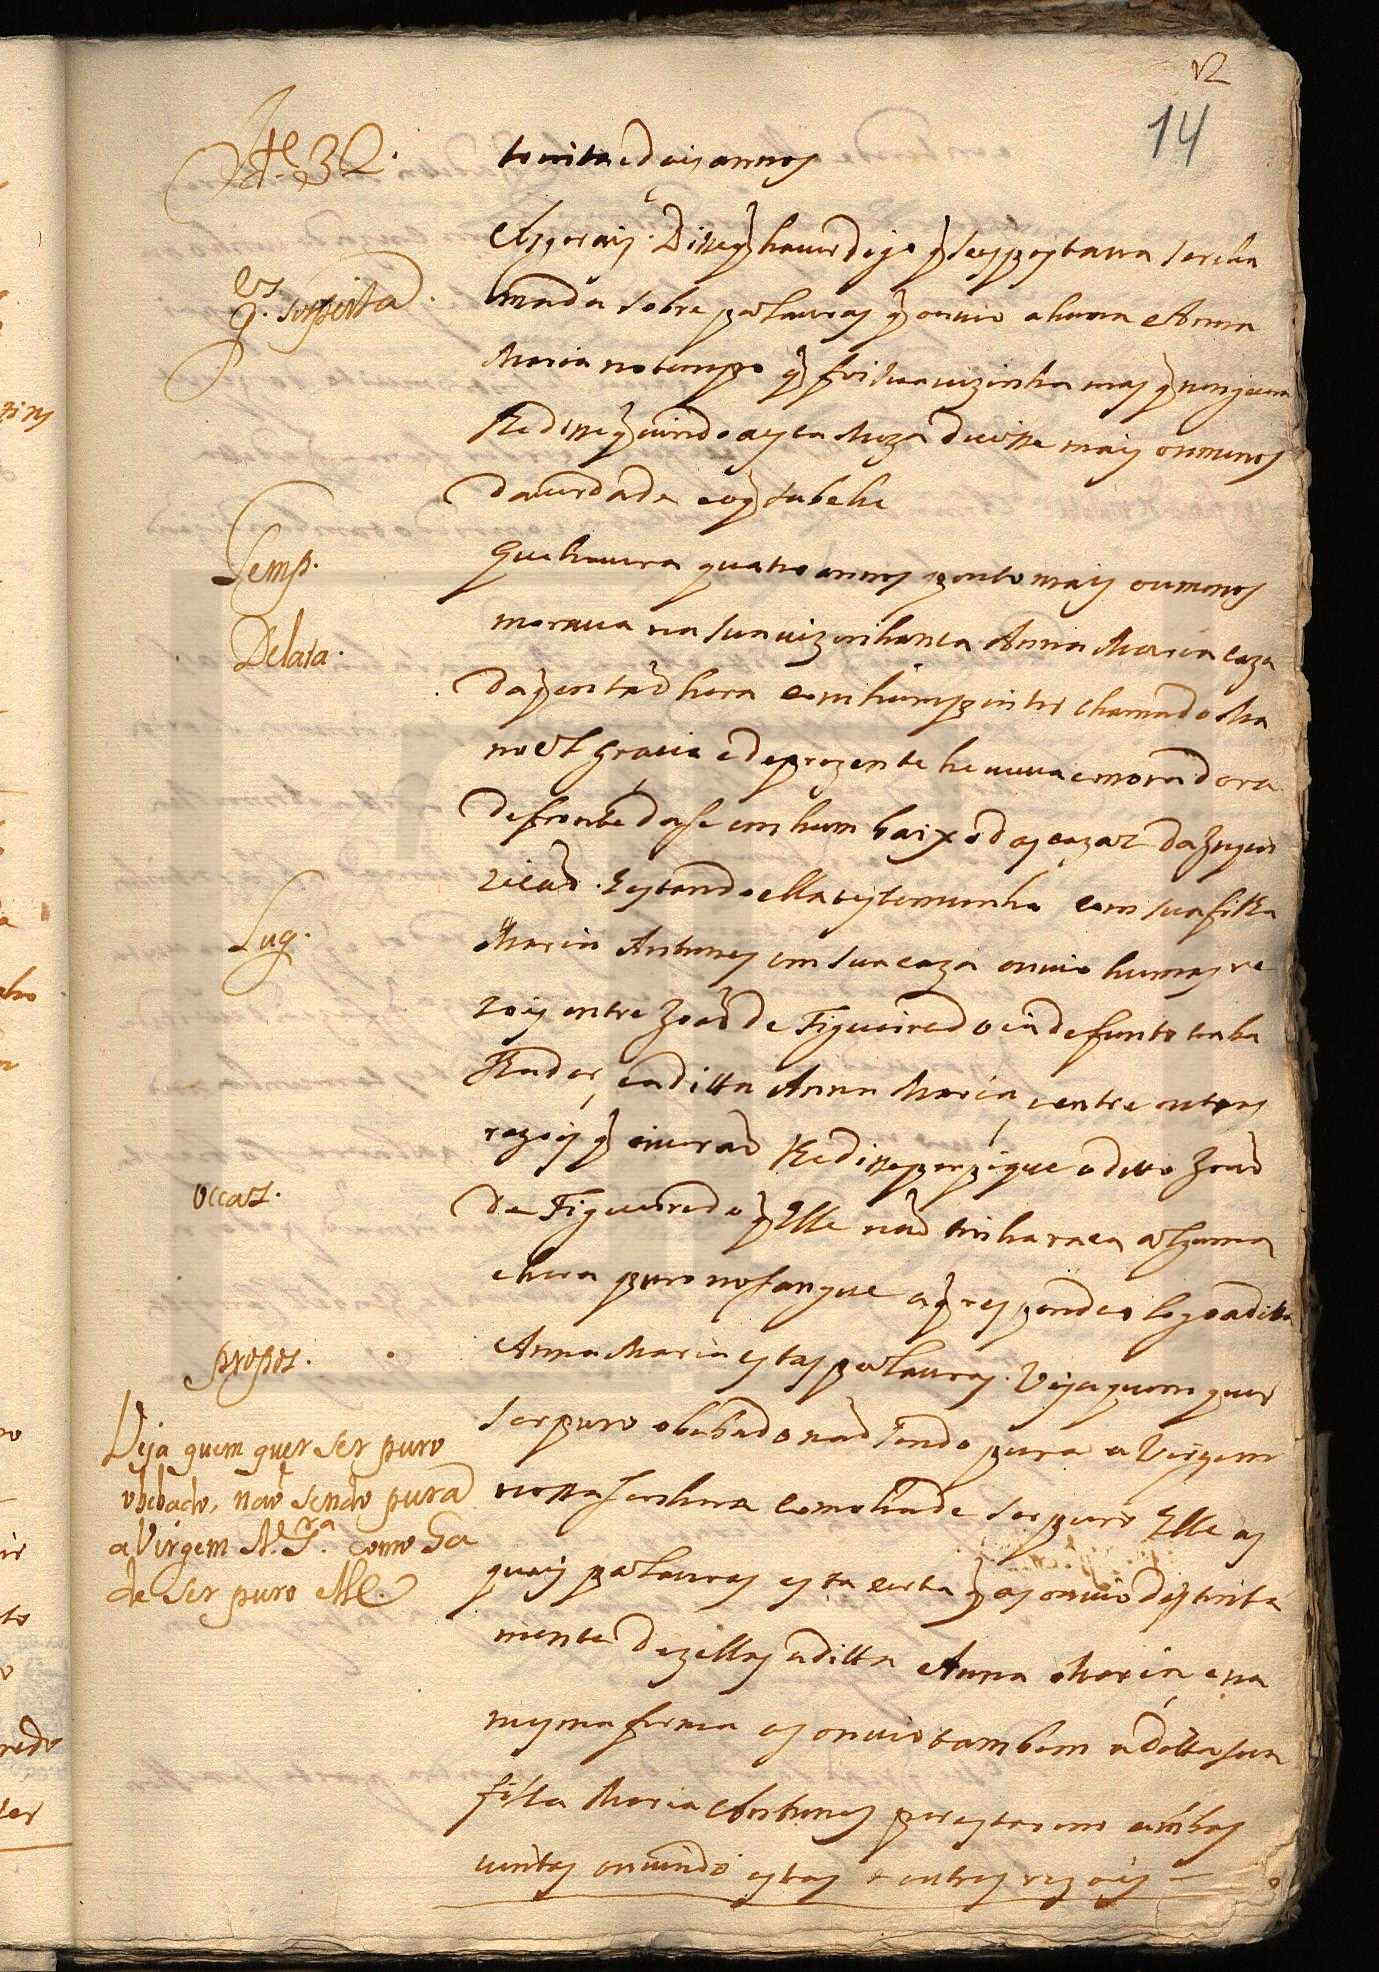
trinta e dois annos
Jd̄.e 32.
g.es sospeita.
As gerais. Disse q̄ hauer digo q̄ suspeitaua ser cha
mada sobre palauras q̄ ouviu a huma Anna
Maria no tempo q̄ foi sua vizinha mas q̄ ninguem
lhe disse q̄ uindo a esta Meza dicesse mais ou menos
da uerdade e o q̄ sabe he
Temp.
Delata.
Que hauera quatro annos pouco mais ou menos
moraua na sua vizinhança Anna Maria caza
da q̄ entaõ hera com hum pintor chamado Ma
noel Gracia e de prezente he uiua e moradora
defronte da se em hum baixo das cazas da Jnqui
ziçaõ. E estando ella testemunha com sua filha
Lug.
Maria Antunes em sua caza ouuio humas re
zois entre Joaõ de Figueiredo ia defunto traba
lhador, e a ditta Anna Maria, e entre outras
razois q̄ ouuiraõ lhe disse por pique o ditto Joaõ
occaz.
de Figueiredo q̄ Elle naõ tinha raça alguma
e hera puro no sangue a q̄ respondeo logo a ditta
Anna Maria estas palauras. Veja quem quer
propos.
ser puro o bebado naõ sendo pura a Virgem
Veja quem quer ser puro
o bebado, naõ sendo pura
a Virgem N. S.ra como ha
de ser puro elle.
nossa senhora como ha de ser puro Elle as
quais palauras esta certa q̄ as ouuio de q̄ tinha
mente dizellas a ditta Anna Maria e na
mesma forma as ouuio tambem a ditta sua
filha Maria Antunes por estarem ambas
iuntas ouuindo estas e outras rezois
